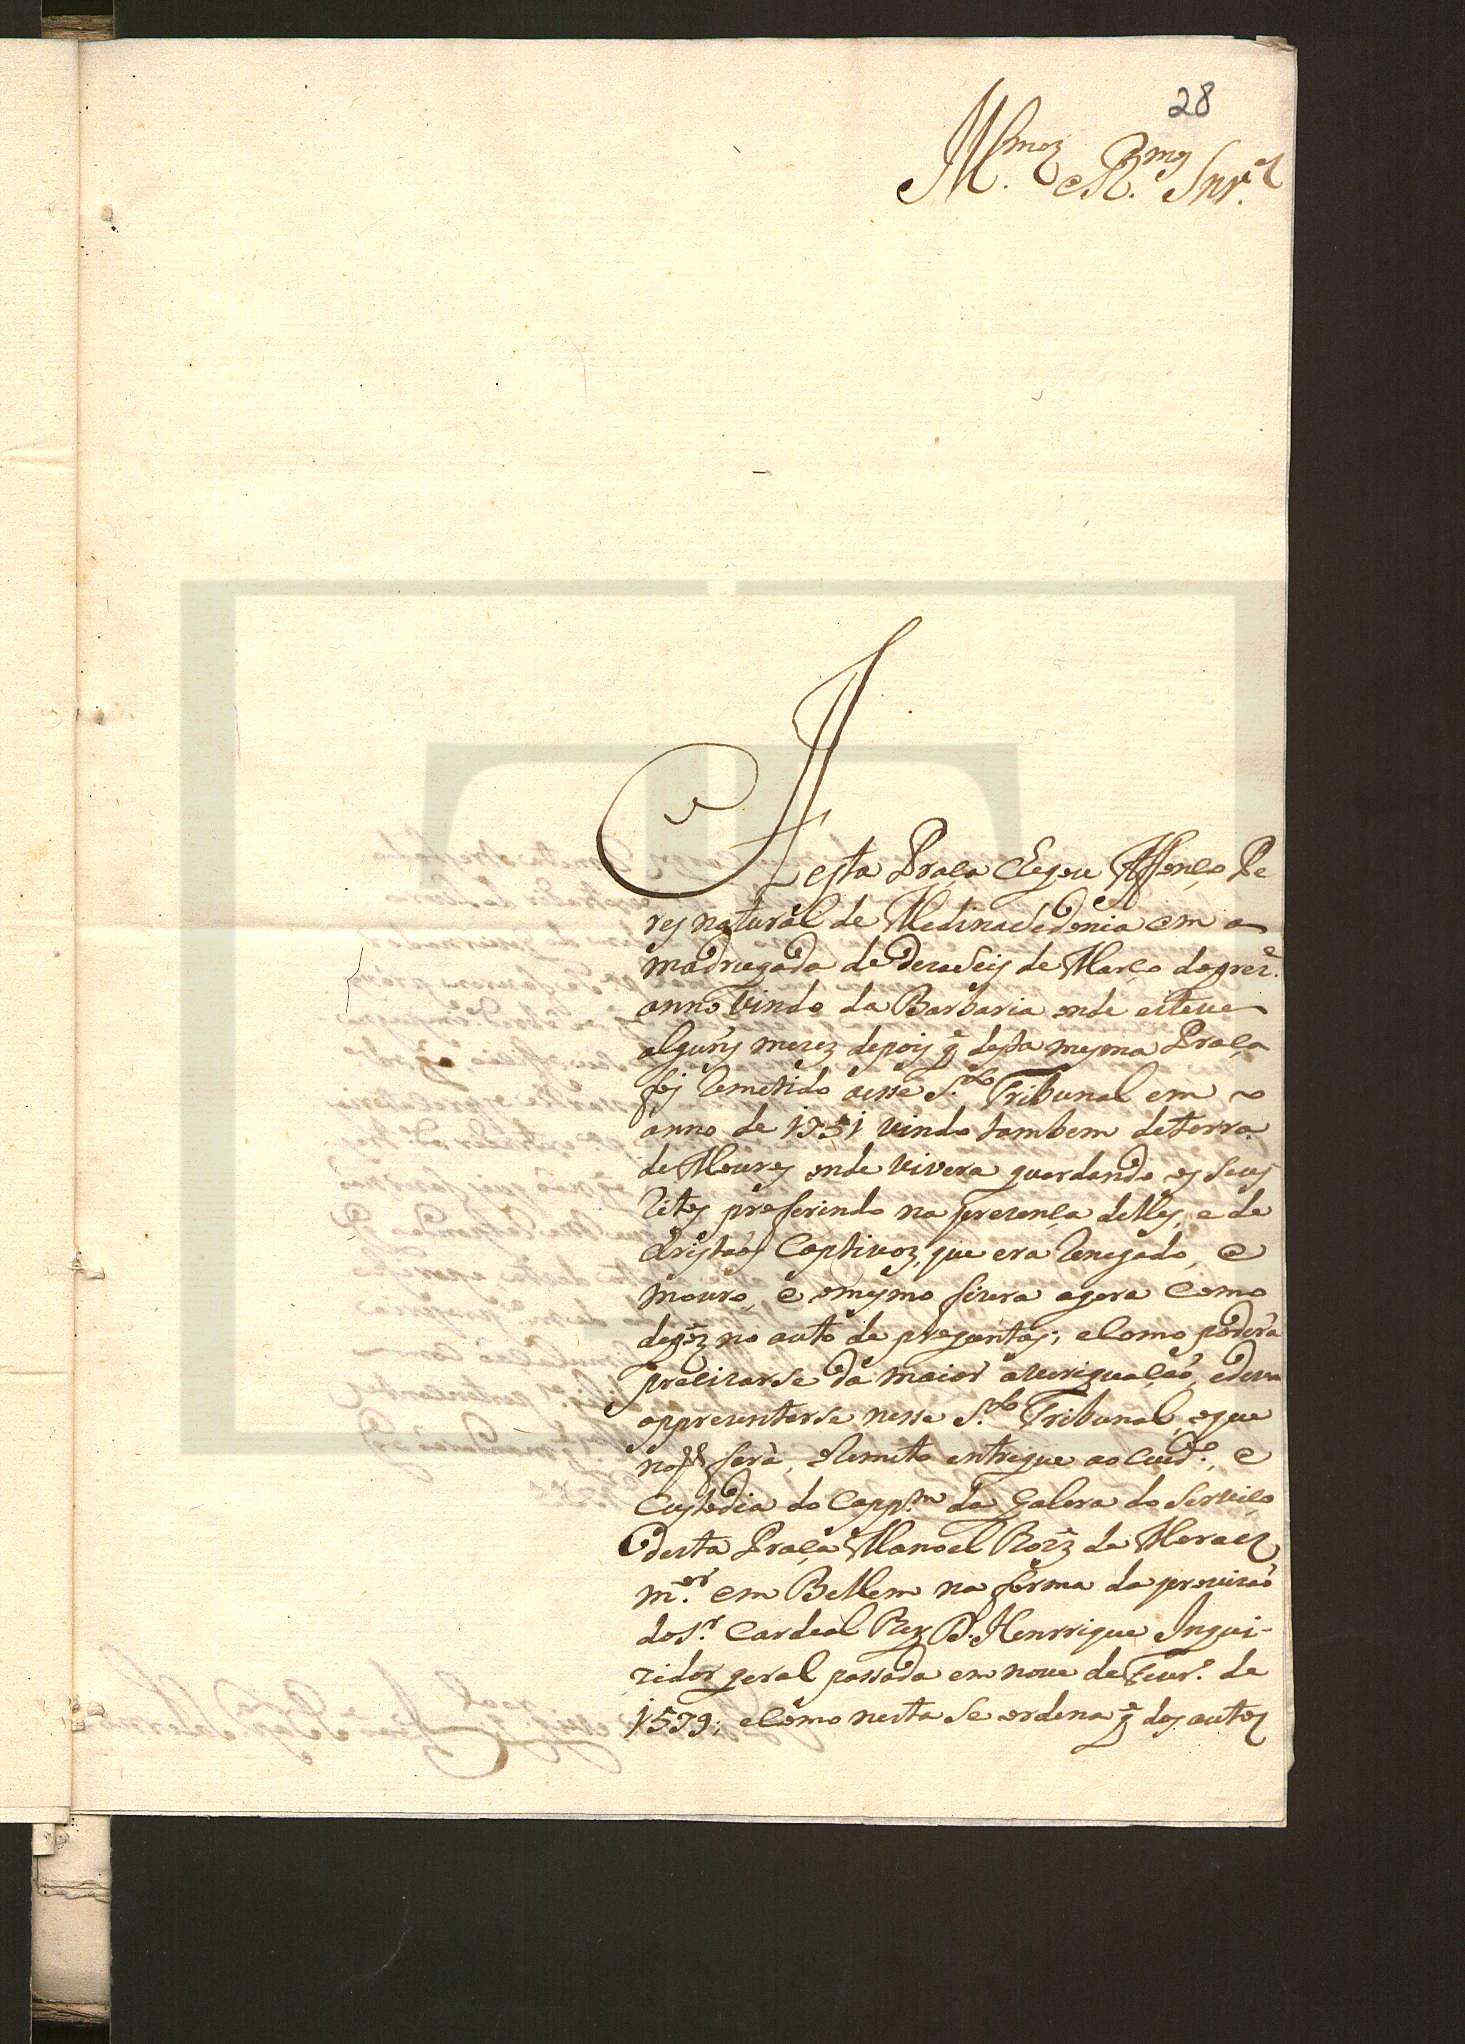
Ill.moz e R.mos Snr.es
A esta Praça chegou Affonço Pe
res natural de Medina Sedonia em a
madrugada de dezaseis de Março do prez.te
anno vindo da Barbaria onde esteue
algun̄s mezez depois q̄ desta mesma Praça
foj Remetido a esse S.to Tribunal em o
anno de i75i vindo tambem de terra
de Mouros onde vivera guardando os seus
Ritos proferindo na prezença delles, e de
christaõs Captivoz, que era Renegado, e
mouro, e o mesmo fizera agora como
depôz no auto de preguntas; e Como poderá
precizarse da maior averiguaçaõ, e deva
apprezentarse nesse S.to Tribunal, o que
naõ farà, o Remeto entregue ao cuid.o, e
Custodia do Capp.m da Galera do serviço
desta Praça Manoel Roiz̄ de Moraes
m.or em Bellem na forma da prouizaõ
do s.r Cardeal Rey D. Henrrique Inqui
zidor geral passada em noue de Feur.o de
1579; e como nesta se ordena q̄ dos autos
